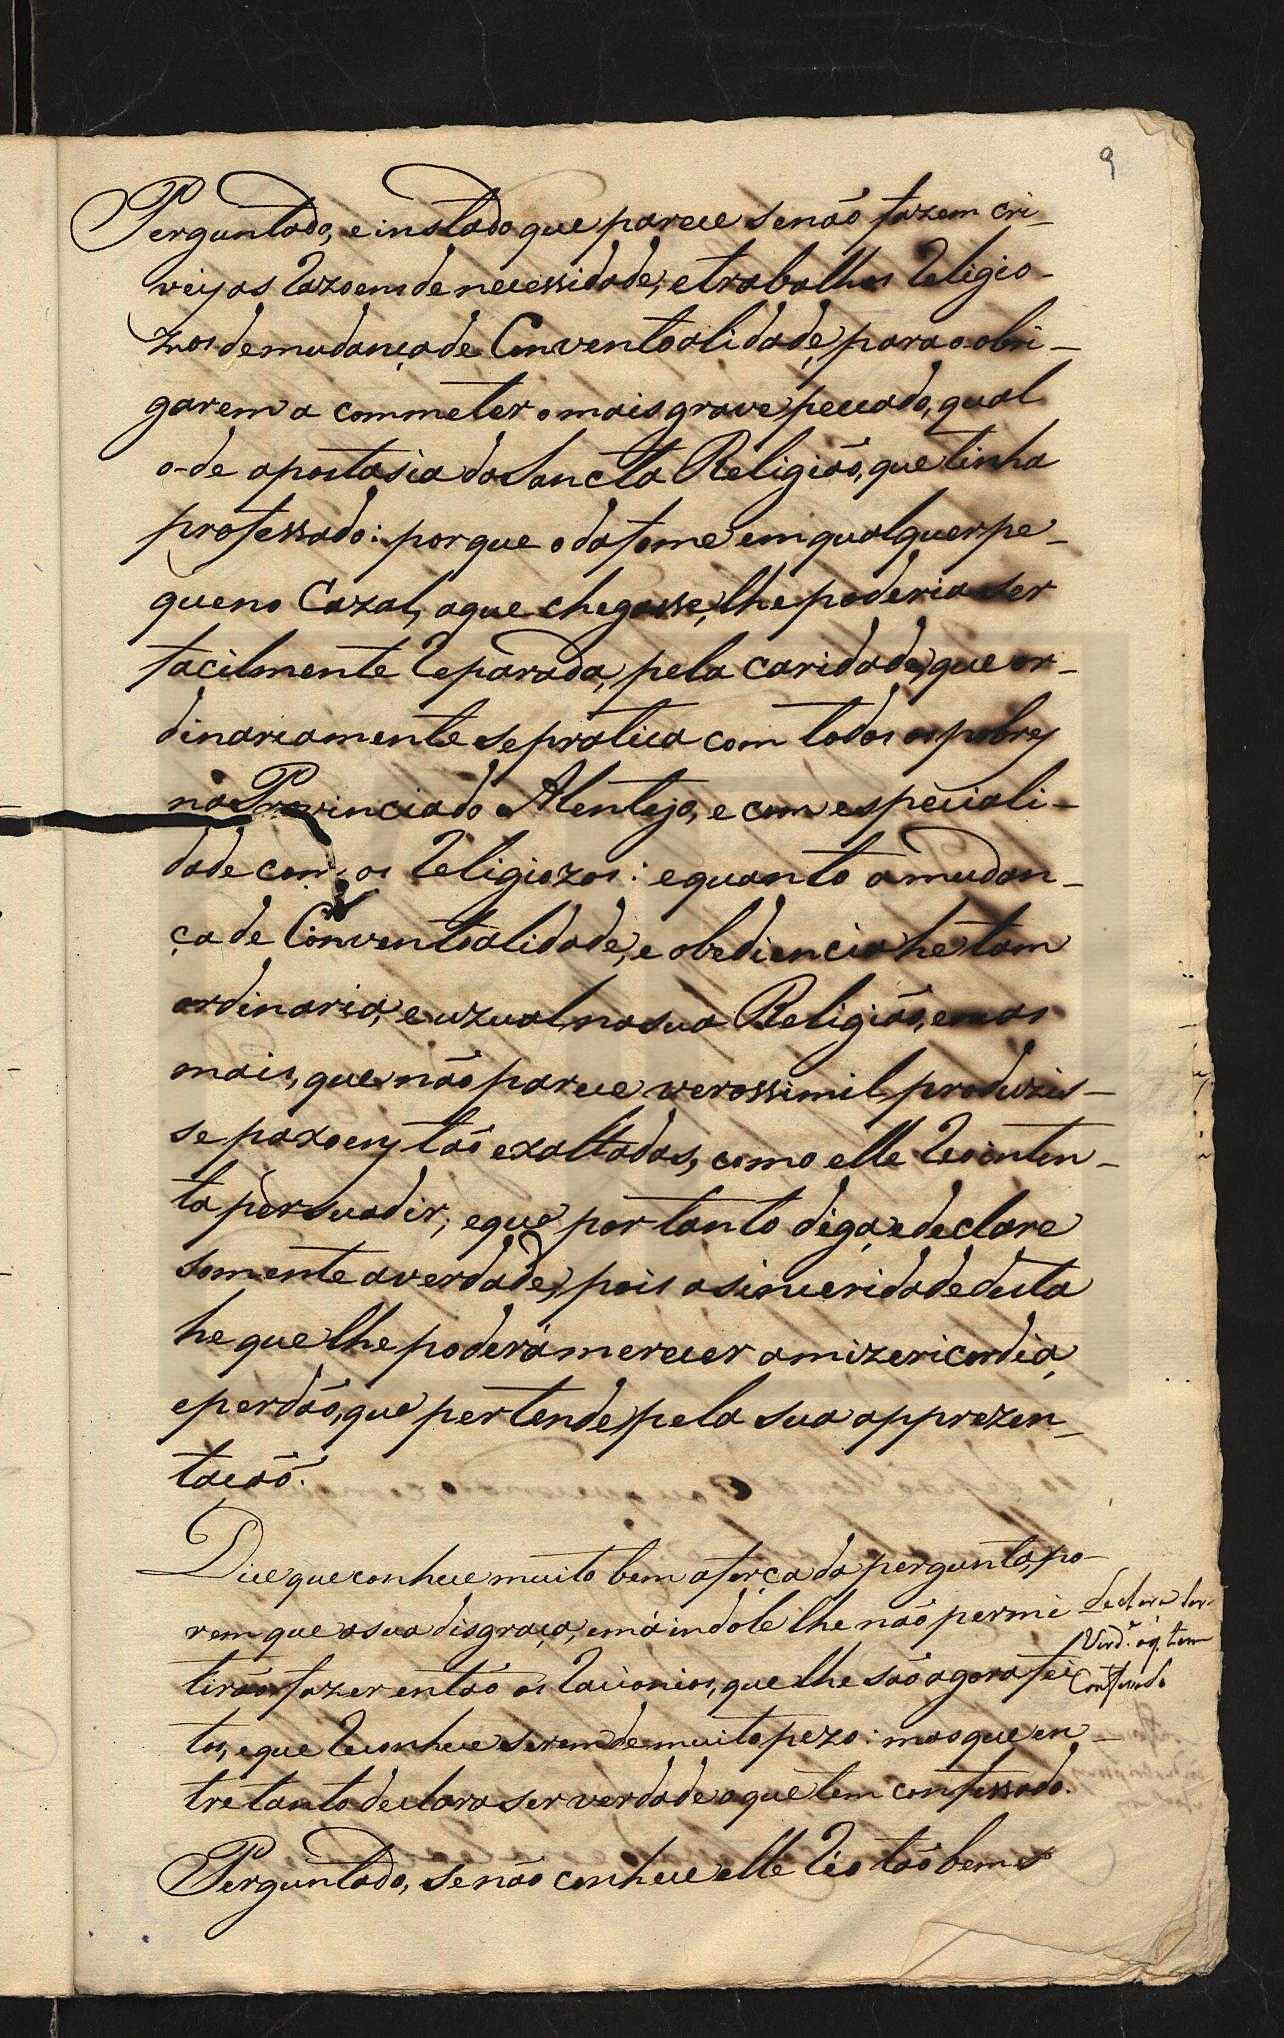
Perguntado, e instado que parece se naõ fazem cri
veis as Razoens de necessidade, e trabalhos Religio
zos de mudança de Conventoalidade, para o-obri
garem a commeter o mais grave peccado, qual
o-de apostasia da Sancta Religiaõ, que tinha
professado: porque o da fome em qualquer pe
queno Cazal, a que chegasse lhe poderia ser
facilmente Reparada, pela caridade, que or
dinariamente se pratica com todos os pobres
na Provincia do Alentejo, e com especiali
dade com os Religiozos: e quanto a mudan
ça de Conventoalidade, e obediencia he tam
ordinaria, e uzual na sua Religiaõ, e nas
mais, que naõ parece verossimil produzis
se paxoens taõ exaltadas, como elle Reo inten
ta persuadir; e que portanto diga, e declare
somente a verdade, pois a sinceridade desta
he que lhe poderá merecer a mizericordia,
e perdaõ, que pertende pela sua apprezen
taçaõ.
Dice que conhece muito bem a força da pergunta, po
rem que a sua desgraça, e má indole lhe naõ permi
declara ser
Verd.e o q̄ tem
Confessado
tirão fazer entaõ os Racionios, que lhe saõ agora fei
tos, e que Reconhece serem de muito pezo: mas que en
tretanto declara ser verdade o que tem confessado.
Perguntado, se naõ conhece elle Réo taõbem
